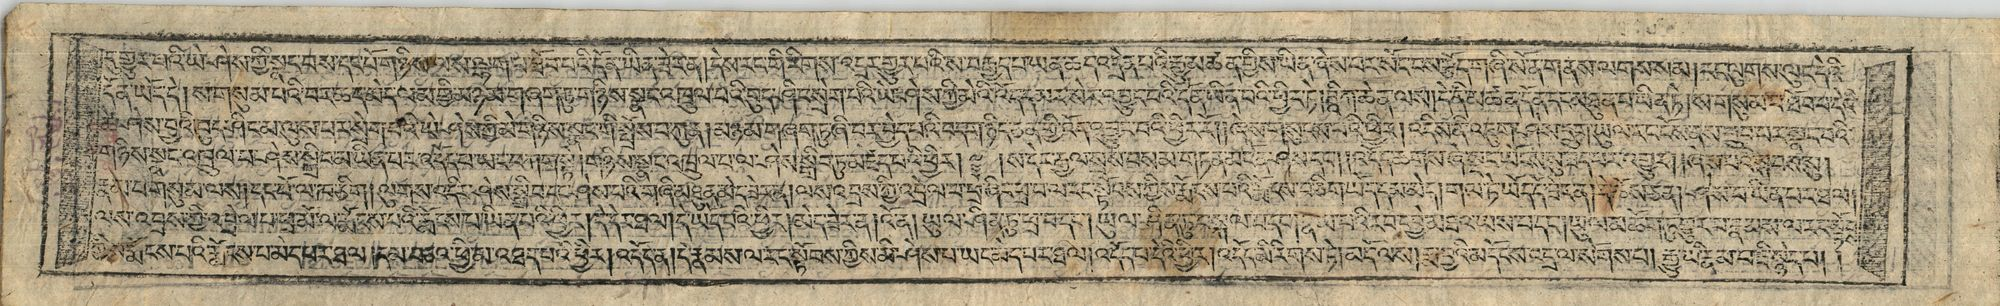དུ་གྱུར་པའི་ཡེ་ཤེས་ཀྱི་སྣང་བས་དང་པོ་གཉིས་ལས་ལྷག་པ་ཐོབ་པའི་དོན་ཡིན་ཟེར་ན། དེས་རང་གི་རིགས་འདྲར་གྱུར་པའི་ས་བརྒྱད་པ་ཡན་ཆད་འདྲེན་པའི་རྒྱུ་མཚན་གྱིས་ཡིན་ཞེས་པར་སོང་པས་རྩོད་གཞི་སོ་ན་གནས་ལགས་སམ། རང་ལུགས་ལུང་དེའི་
དོན་ཡོད་དེ། ས་གསུམ་པའི་བར་ཆད་མེད་ལམ་གྱི་མཉམ་གཞག་ཏུ་གཉིས་སྣང་འཁྲུལ་པའི་བུད་ཤིང་སྲེག་པའི་ཡི་ཤེས་ཀྱི་མེའི་འོད་དམར་སེར་འབྱུང་བའི་དོན་ཡིན་པའི་ཕྱིར་ཏེ། ཊཱིཀ་ཆེན་ལས། དེ་ནི་མཚན་དོན་དང་མཐུན་པ་ཡིན་ཏེ། ས་གསུམ་པ་ཐོབ་པ་དེའི་
ཚེ་ཤེས་བྱའི་བུད་ཤིང་མ་ལུས་པར་སྲེག་པའི་ཡེ་ཤེས་ཀྱི་མེ་གཉིས་སྣང་གི་སྤྲོས་བ་ཀུན། མཉམ་གཞག་ཏུ་བཞི་བར་བྱེད་པའི་བདག་ཉིད་ཅན་གྱི་འོད་འབྱུང་པའི་ཕྱིར་རོ། །ཞེས་གསུངས་པའི་ཕྱིར། འདིས་ནི་འཇུག་ཤེས་དྲུག་ཡུལ་རང་ངོས་ནས་གྲུབ་པར་སྣང་བའི་
གཉིས་སྣང་འཁྲུལ་པ་ཤེས་སྒྲིབ་མ་ཡིན་པར་འདོད་པ་ཡང་བཀག་སྟེ། གཉིས་སྣང་འཁྲུལ་པ་ལ་ཤེས་སྒྲིབ་ཏུ་མཛད་པའི་ཕྱིར། ༈ །ས་དེར་རྒྱལ་སྲས་བསམ་གཏན་མངོན་ཤེས་དང་། །འདོད་ཆགས་ཞེ་སྡང་ཡོངས་སུ་ཟད་པར་འགྱུར། །ཞེས་པའི་སྐབས་སུ།
རྣམ་པ་གསུམ་ལས། དང་པོ་ལ་ཁ་ཅིག །ལུགས་འདིར་ཤེས་སྒྲིབ་དང་ཤེས་པའི་གཞི་མཐུན་མེད་ཟེར་ན། ལས་འབྲས་ཀྱི་འབྲེལ་བ་ཕྲ་ཞིང་ཕྲ་བ་ལ་རང་སྟོབས་ཀྱིས་རྨོངས་པའི་རྨོངས་བ་ཅིག་ཡོད་དམ་མེད། གལ་ཏེ་ཡོད་དོ་ཟེར་ན། དེ་ཆོས་ཅན། ཤེས་པ་ཡིན་པར་ཐལ།
ལས་འབྲས་ཀྱི་འབྲེལ་པ་ཕྲ་མོ་ལ་རྨོངས་པའི་རྨོངས་པ་ཡིན་པའི་ཕྱིར། དེ་དེར་ཐལ། དེ་ཡོད་པའི་ཕྱིར། མེད་ཟེར་ན། འོ་ན། ཡུལ་ཤིན་ཏུ་ཕྲ་པ་དང་། ཡུལ་ཤིན་ཏུ་བསྐལ་བ་དང་། རྣམ་པའི་རབ་དབྱེ་མཐའ་ཡས་པ་དང་། ཡུལ་མཆོག་ཏུ་གྱུར་པ་རྣམས་ལ་རང་སྟོབས་
ཀྱིས་རྨོངས་པའི་རྨོངས་པ་མེད་པར་ཐལ། དམ་བཅའ་ཕྱི་མ་འཐད་པའི་ཕྱིར། འདོད་ན། དེ་རྣམས་ལ་རང་སྟོབས་ཀྱིས་མི་ཤེས་པ་ཡང་མེད་པར་ཐལ། འདོད་པ་དེའི་ཕྱིར། འདོད་མི་རིགས་ཏེ། མདོ་ལས། རྨ་བྱའི་མདོངས་འདྲ་ལ་སོགས་པ། རྒྱུ་ཡི་རྣམ་པ་ཇི་སྙེད་པ། །